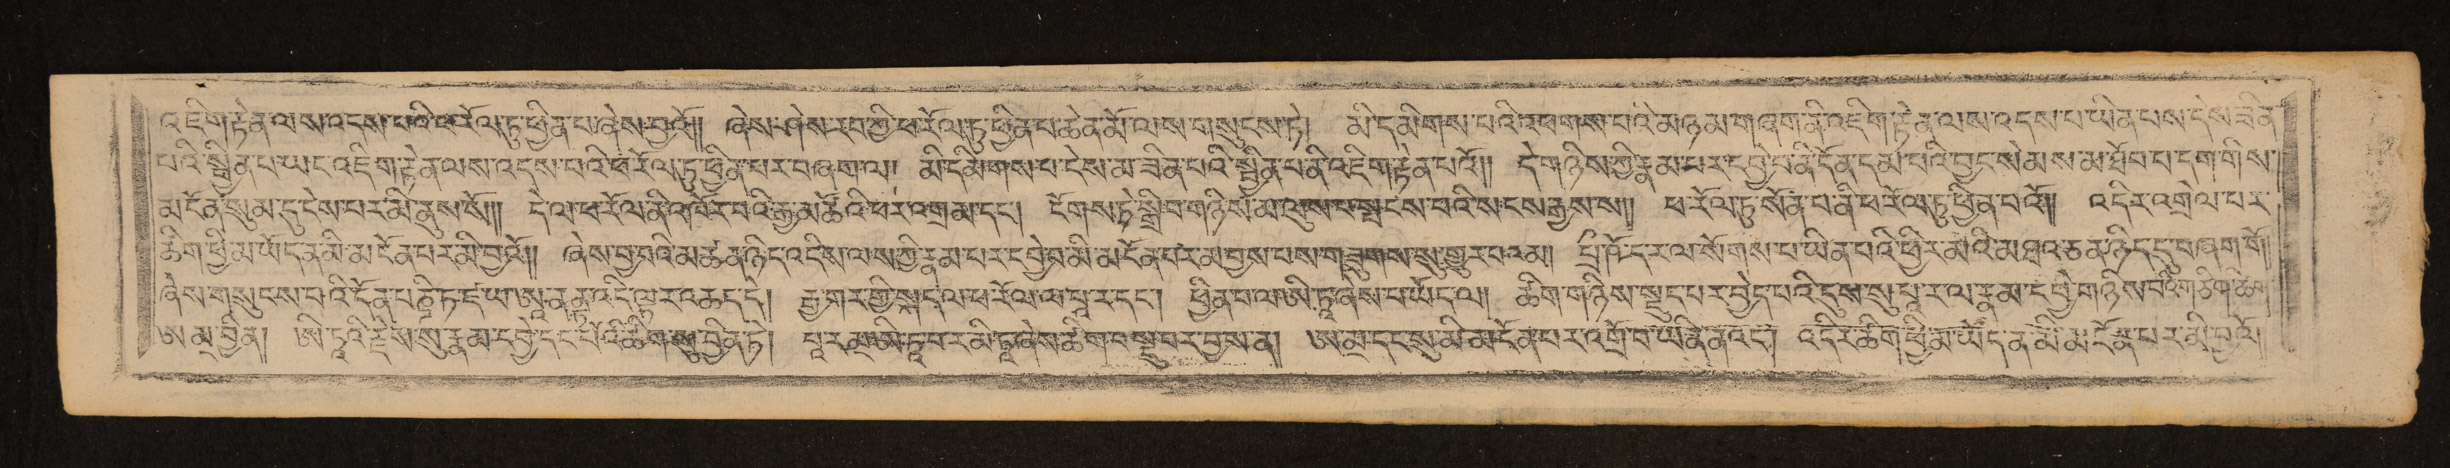འཇིག་རྟེན་ལས་འདས་པའི་ཕ་རོལ་ཏུ་ཕྱིན་པ་ཞེས་བྱའོ།། ཞེས་ཤེས་རབ་ཀྱི་ཕ་རོལ་ཏུ་ཕྱིན་པ་ཆེན་མོ་ལས་གསུངས་ཏེ། མི་དམིགས་པའི་འཕགས་པའི་མཉམ་གཞག་ནི་འཇིག་རྟེན་ལས་འདས་པ་ཡིན་པས་དེས་ཟིན་
པའི་སྦྱིན་པ་ཡང་འཇིག་རྟེན་ལས་འདས་པའི་ཕ་རོལ་ཏུ་ཕྱིན་པར་བཞག་ལ། མི་དམིགས་པ་དེས་མ་ཟིན་པའི་སྦྱིན་པ་ནི་འཇིག་རྟེན་པའོ།། དེ་གཉིས་ཀྱི་རྣམ་པར་དབྱེ་བ་ནི་དོན་དམ་པའི་བྱང་སེམས་མ་ཐོབ་པ་དག་གིས་
མངོན་སུམ་དུ་ངེས་པར་མི་ནུས་སོ།། དེ་ལ་ཕ་རོལ་ནི་འཁོར་བའི་རྒྱ་མཚོའི་ཕར་འགྲམ་དང་། ངོགས་ཏེ་སྒྲིབ་གཉིས་མ་ལུས་པ་སྤངས་པའི་སངས་རྒྱས་ས།། ཕ་རོལ་ཏུ་སོན་པ་ནི་ཕ་རོལ་ཏུ་ཕྱིན་པའོ།། འདིར་འགྲེལ་པར་
ཚིག་ཕྱི་མ་ཡོད་ན་མི་མངོན་པར་མི་བྱའོ།། ཞེས་བྱ་བའི་མཚན་ཉིད་འདིས་ལས་ཀྱི་རྣམ་པར་དབྱེ་བ་མི་མངོན་པར་མ་བྱས་པས་གཟུགས་སུ་གྱུར་པའམ། པྲྀ་ཥོ་ད་ར་ལ་སོགས་པ་ཡིན་པའི་ཕྱིར་མའི་མཐའ་ཅན་ཉིད་དུ་བཞག་གོ།
ཞེས་གསུངས་པའི་དོན་པཎྜི་ཏ་ཛ་ཡ་ཨཱ་ན་ནྟ་འདི་ལྟར་འཆད་དེ། རྒྱ་གར་གྱི་སྐད་ལ་ཕ་རོལ་ལ་པཱ་ར་དང་། ཕྱིན་པ་ལ་ཨི་ཏཱ་ཞེས་པ་ཡོད་ལ། ཚིག་གཉིས་སྡུད་པར་བྱེད་པའི་དུས་སུ་པཱ་ར་ལ་རྣམ་དབྱེ་གཉིས་པའི་གཅིག་ཚིག་
ཨ་མྲ་བྱིན། ཨི་ཏཱའི་རྗེས་སུ་རྣམ་དབྱེ་དང་པོའི་ཚིག་སུ་བྱིན་ཏེ། པཱ་ར་མ་ཨི་ཏཱ་པ་ར་མི་ཏཱ་ཞེས་ཚིག་བསྡུ་བར་བྱས་ན། ཨ་མྲ་དང་སུ་མི་མངོན་པར་འགྲོ་བ་ཡིན་ནའང་། འདིར་ཚིག་ཕྱི་མ་ཡོད་ན་མི་མངོན་པར་མི་བྱའོ།།